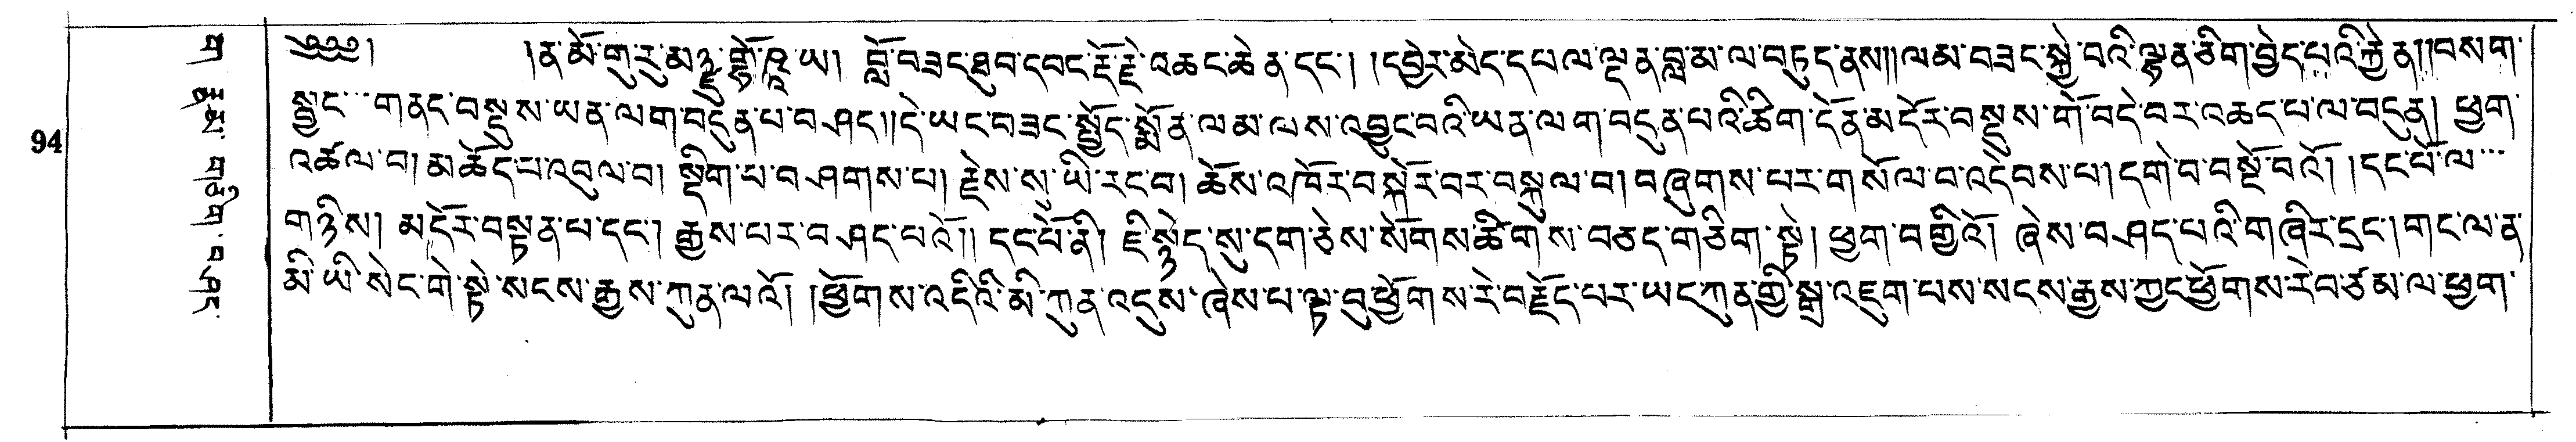༄༅། །ན་མོ་གུ་རུ་མཉྫུ་གྷོ་ཥཱ་ཡ། བློ་བཟང་ཐུབ་དབང་རྡོ་རྗེ་འཆང་ཆེན་དང་། །དབྱེར་མེད་དཔལ་ལྡན་བླ་མ་ལ་བཏུད་ནས། །ལམ་བཟང་སྐྱེ་བའི་ལྷན་ཅིག་བྱེད་པའི་རྐྱེན། །བསག་
སྦྱང་གནང་བསྡུས་ཡན་ལག་བདུན་པ་བཤད། །དེ་ཡང་བཟང་སྤྱོད་སྨོན་ལམ་ལས་འབྱུང་བའི་ཡན་ལག་བདུན་པའི་ཚིག་དོན་མདོར་བསྡུས་གོ་བདེ་བར་འཆད་པ་ལ་བདུན། ཕྱག་
འཚལ་བ། མཆོད་པ་འབུལ་བ། སྡིག་པ་བཤགས་པ། རྗེས་སུ་ཡི་རང་བ། ཆོས་འཁོར་བསྐོར་བར་བསྐུལ་བ། བཞུགས་པར་གསོལ་བ་འདེབས་པ། དགེ་བ་བསྔོ་བའོ། །དང་པོ་ལ་
གཉིས། མདོར་བསྟན་པ་དང་། རྒྱས་པར་བཤད་པའོ། །དང་པོ་ནི། ཇི་སྙེད་སུ་དག་ཅེས་སོགས་ཚིགས་བཅད་གཅིག་སྟེ། ཕྱག་བགྱིའོ། ཞེས་བཤད་པའི་གཞིར་དྲང་། གང་ལ་ན་
མི་ཡི་སེང་གེ་སྟེ་སངས་རྒྱས་ཀུན་ལའོ། །ཕྱོགས་འདིའི་མི་ཀུན་འདུས་ཞེས་པ་ལྟ་བུ་ཕྱོགས་རེ་བརྗོད་པར་ཡང་ཀུན་གྱི་སྒྲ་འཇུག་པས་སངས་རྒྱས་ཀྱང་ཕྱོགས་རེ་བ་ཙམ་ལ་ཕྱག་